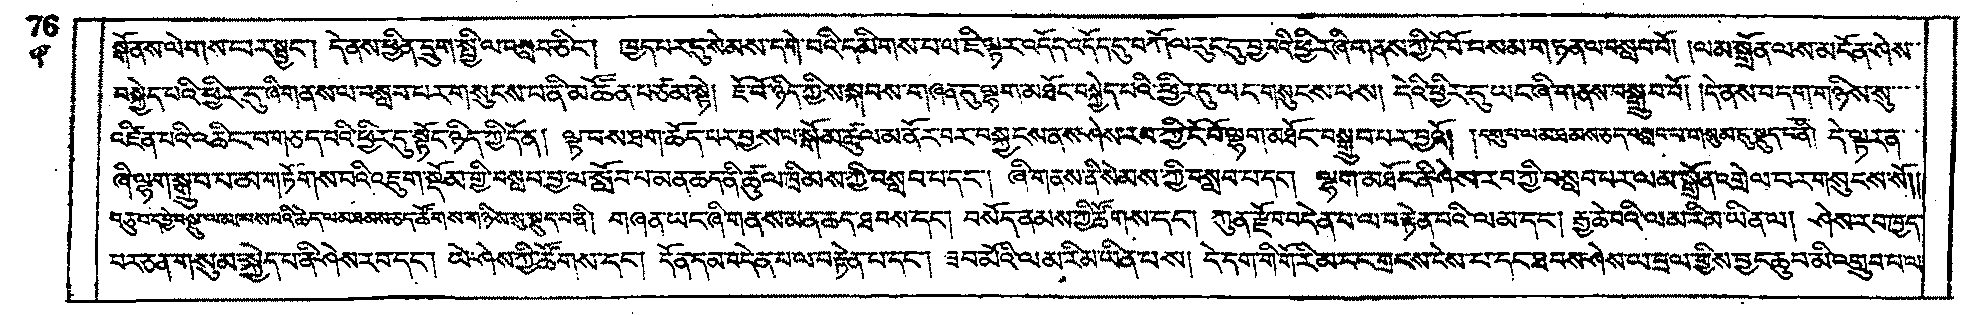སྒོ་ནས་ལེགས་པར་སྦྱང་། དེ་ནས་ཕྱིན་དྲུག་སྤྱི་ལ་བསླབ་ཅིང་། ཁྱད་པར་དུ་སེམས་དགེ་བའི་དམིགས་པ་ལ་ཇི་ལྟར་འདོད་འདོད་དུ་བཀོལ་རུང་དུ་བྱ་བའི་ཕྱིར་ཞིག་ནས་ཀྱི་ངོ་བོ་བསམ་གཏན་ལ་བསླབ་བོ། །ལམ་སྒྲོན་ལས་མངོན་ཤེས་
བསྐྱེད་པའི་ཕྱིར་དུ་ཞི་གནས་ལ་བསླབ་པར་གསུངས་པ་ནི་མཚོན་པ་ཙམ་སྟེ། ཇོ་བོ་ཉིད་ཀྱིས་སྐབས་གཞན་དུ་ལྷག་མཐོང་བསྐྱེད་པའི་ཕྱིར་དུ་ཡང་གསུངས་པས། དེའི་ཕྱིར་དུ་ཡང་ཞི་གནས་བསྒྲུབ་བོ། །དེ་ནས་བདག་གཉིས་སུ་
འཛིན་པའི་འཆིང་བ་གཅད་པའི་ཕྱིར་དུ་སྟོང་ཉིད་ཀྱི་དོན། ལྟ་བས་ཐག་ཆོད་པར་བྱས་ལ་སྒོམ་ཚུལ་མ་ནོར་བར་བསྐྱངས་ནས་ཤེས་རབ་ཀྱི་ངོ་བོ་ལྷག་མཐོང་བསྒྲུབ་པར་བྱའོ། ། དགུ་པ་ལམ་ཐམས་ཅད་བསླབ་པ་གསུམ་དུ་སྡུད་པ་ནི།  དེ་ལྟར་ན་
ཞི་ལྷག་སྒྲུབ་པ་མ་གཏོགས་པའི་འཇུག་སྡོམ་གྱི་བསླབ་བྱ་ལ་སློབ་པ་མན་ཆད་ནི་ཚུལ་ཁྲིམས་ཀྱི་བསླབ་པ་དང་། ཞི་གནས་ནི་སེམས་ཀྱི་བསླབ་པ་དང་། ལྷག་མཐོང་ནི་ཤེས་རབ་ཀྱི་བསླབ་པར་ལམ་སྒྲོན་འགྲེལ་བར་གསུངས་སོ།།
བཅུ་པ་དབྱེ་བསྡུ་ལ་མཁས་པའི་ཆེད་ལམ་ཐམས་ཅད་ཚོགས་གཉིས་སུ་སྡུད་པ་ནི།  གཞན་ཡང་ཞི་གནས་མན་ཆད་ཐབས་དང་། བསོད་ནམས་ཀྱི་ཚོགས་དང་། ཀུན་རྫོབ་བདེན་པ་ལ་བརྟེན་པའི་ལམ་དང་། རྒྱ་ཆེ་བའི་ལམ་རིམ་ཡིན་ལ། ཤེས་རབ་ཁྱད་
པར་ཅན་གསུམ་སྐྱེད་པ་ནི་ཤེས་རབ་དང་། ཡེ་ཤེས་ཀྱི་ཚོགས་དང་། དོན་དམ་བདེན་པ་ལ་བརྟེན་པ་དང་། ཟབ་མོའི་ལམ་རིམ་ཡིན་པས། དེ་དག་གི་གོ་རིམ་དང་གྲངས་ངེས་པ་དང་ཐབས་ཤེས་ཡ་བྲལ་གྱིས་བྱང་ཆུབ་མི་འགྲུབ་པ་ལ་